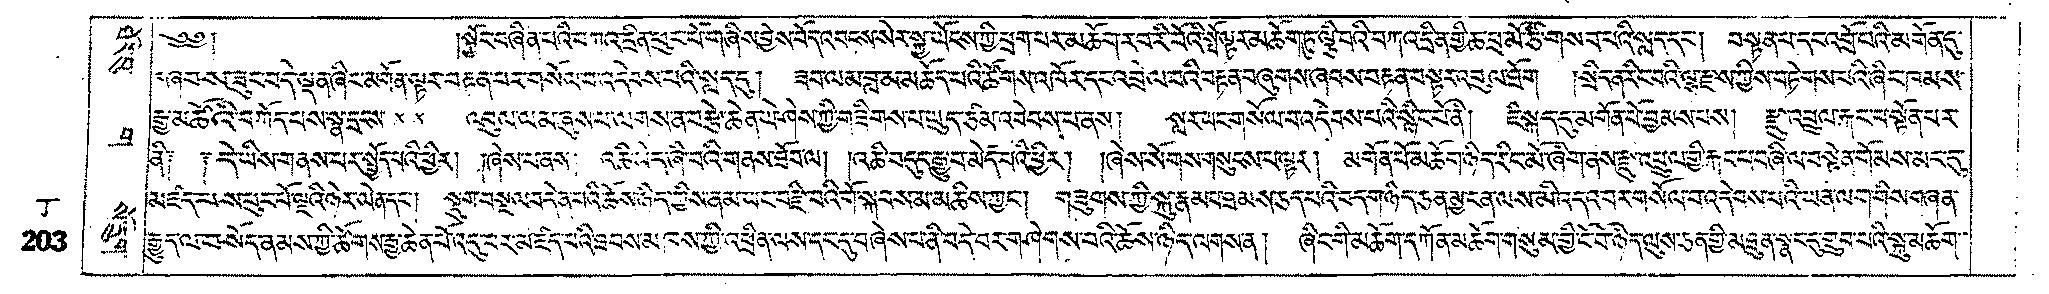༄༅། །སྐྱོང་བཞིན་པའི་བཀའ་དྲིན་ཕུང་པོ་གཞིས་བྱེས་བོད་འབངས་སེར་སྐྱ་ཡོངས་ཀྱི་ཕྲག་པར་མཆོག་རབ་རི་བོའི་སྤོ་ལྟར་མཆོག་ཏུ་ལྕི་བའི་བཀའ་དྲིན་གྱི་ཆ་ཕྲ་མོ་ཙཾ་གསབ་པའི་སླད་དང་། བསྟན་པ་དང་འགྲོ་བའི་མགོན་དུ་
༧ཞབས་ཟུང་བདེ་ལྡན་ཞིང་མགོན་ལྟར་བརྟན་པར་གསོལ་བ་འདེབས་པའི་སླད་དུ། ཟབ་ལམ་བླ་མ་མཆོད་པའི་ཚོགས་འཁོར་དང་འབྲེལ་བའི་བརྟན་བཞུགས་ཞབས་བརྟན་བསྟར་འབུལ་ཐོག །སྲིད་ན་རིང་བའི་ལྷ་རྫས་ཀྱིས་བཏེགས་པའི་ཞིང་ཁམས་
རྒྱ་མཚོའི་བཀོད་པས་སྣ་དྲངས་྾་྾་འབུལ་ལམ་ཞུས་པ་ལགས་ན་བརྩེ་ཆེན་ཡེ་ཤེས་ཀྱི་གཟིགས་པ་ཡུད་ཙམ་འབེབས་པ་ནས། སླར་ཡང་གསོལ་བ་འདེབས་པའི་སྙིང་པོ་ནི། ཇི་སྐད་དུ་མགོན་པོ་བྱམས་པས། རྫུ་འཕྲུལ་རྐང་པ་སྟོན་པར་
ནི༑ ༑དེ་ཡིས་གནས་པར་སྤྱོད་པའི་ཕྱིར། །ཞེས་པ་ནས། འཆི་མེད་ཞི་བའི་གནས་ཐོབ་ལ། །འཆི་བདུད་རྒྱུ་བ་མེད་པའི་ཕྱིར། །ཞེས་སོགས་གསུངས་པ་ལྟར། མགོན་པོ་མཆོག་ཉིད་རིང་མོ་ཞིག་ནས་རྫུ་འཕྲུལ་གྱི་རྐང་པ་བཞི་ལ་བསྟེན་གོམས་མང་དུ་
མཛད་པས་ཕུང་པོ་ལྔའི་ཉེར་ལེན་དང་། སྡུག་བསྔལ་བདེན་པའི་ཆོས་ཉིད་ཀྱིས་ནམ་ཡང་བརྫི་བའི་གོ་སྐབས་མ་མཆིས་ཀྱང་། གཟུགས་ཀྱི་སྐུ་རྣམ་པ་ཐམས་ཅད་པའི་བདག་ཉིད་ཅན་མྱ་ངན་ལས་མི་འདའ་བར་གསོལ་བ་འདེབས་པའི་ཡན་ལག་གིས་གཞན་
རྒྱུད་ལ་བསོད་ནམས་ཀྱི་ཚོགས་རྒྱ་ཆེན་པོ་འདུ་བར་མཛད་པའི་ཐབས་མཁས་ཀྱི་འཕྲིན་ལས་དང་དུ་བཞེས་པ་ནི་བདེ་བར་གཤེགས་པའི་ཆོས་ཉིད་ལགས་ན། ཞིང་གི་མཆོག་དཀོན་མཆོག་གསུམ་གྱི་ངོ་བོ་ཉིད་ལུས་ཅན་གྱི་མཐུན་སྣང་དུ་གྲུབ་པའི་སྐུ་མཆོག་་་